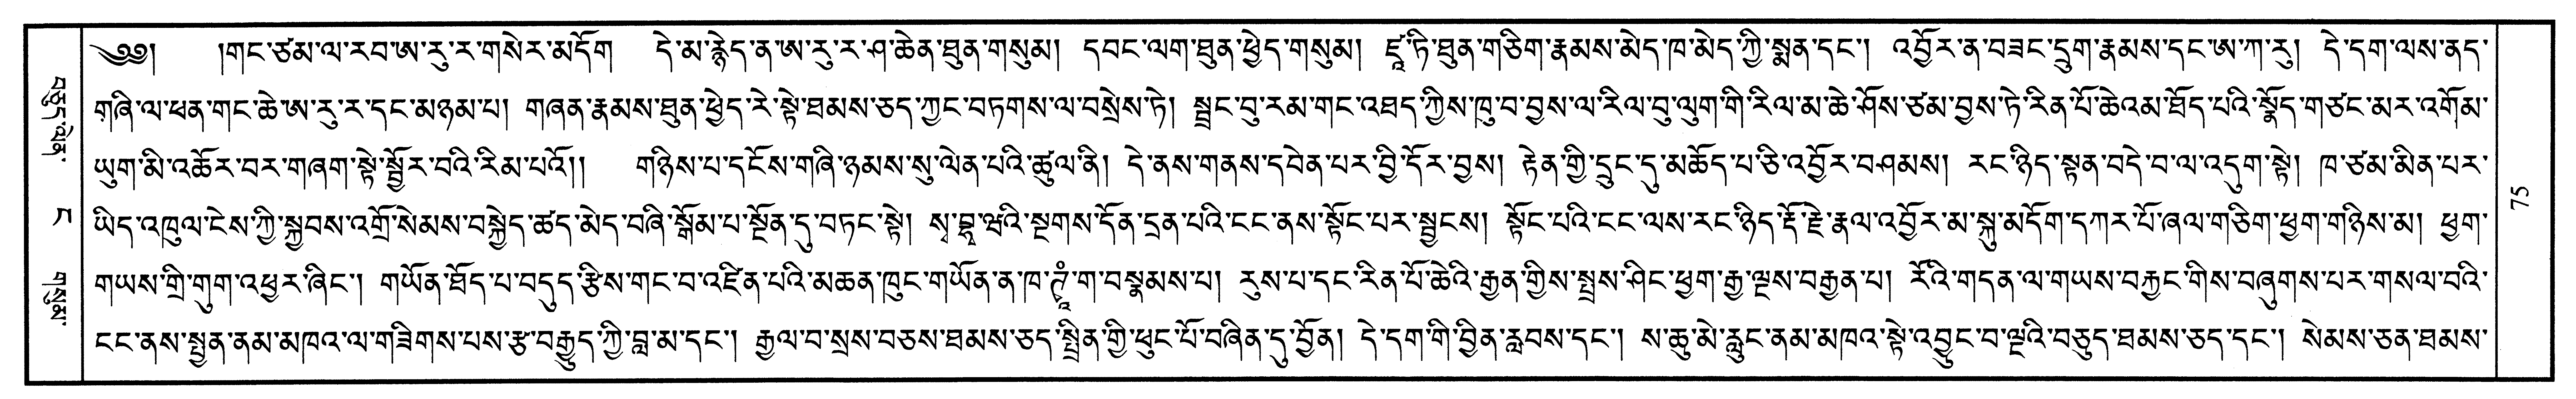༄༅། །གང་ཙམ་ལ་རབ་ཨ་རུ་ར་གསེར་མདོག་དེ་མ་རྙེད་ན་ཨ་རུ་ར་ཤ་ཆེན་ཐུན་གསུམ། དབང་ལག་ཐུན་ཕྱེད་གསུམ། ཛཱ་ཏི་ཐུན་གཅིག་རྣམས་མེད་ཁ་མེད་ཀྱི་སྨན་དང་། འབྱོར་ན་བཟང་དྲུག་རྣམས་དང་ཨ་ཀ་རུ། དེ་དག་ལས་ནད་
གཞི་ལ་ཕན་གང་ཆེ་ཨ་རུ་ར་དང་མཉམ་པ། གཞན་རྣམས་ཐུན་ཕྱེད་རེ་སྟེ་ཐམས་ཅད་ཀྱང་བཏགས་ལ་བསྲེས་ཏེ། སྦྲང་བུ་རམ་གང་འཐད་ཀྱིས་ཁུ་བ་བྱས་ལ་རིལ་བུ་ལུག་གི་རིལ་མ་ཆེ་ཤོས་ཙམ་བྱས་ཏེ་རིན་པོ་ཆེའམ་ཐོད་པའི་སྣོད་གཙང་མར་འགོམ་
ཡུག་མི་འཆོར་བར་གཞག་སྟེ་སྦྱོར་བའི་རིམ་པའོ།། གཉིས་པ་དངོས་གཞི་ཉམས་སུ་ལེན་པའི་ཚུལ་ནི། དེ་ནས་གནས་དབེན་པར་བྱི་དོར་བྱས། རྟེན་གྱི་དྲུང་དུ་མཆོད་པ་ཅི་འབྱོར་བཤམས། རང་ཉིད་སྟན་བདེ་བ་ལ་འདུག་སྟེ། ཁ་ཙམ་མིན་པར་
ཡིད་འཁུལ་ངེས་ཀྱི་སྐྱབས་འགྲོ་སེམས་བསྐྱེད་ཚད་མེད་བཞི་སྒོམ་པ་སྔོན་དུ་བཏང་སྟེ། སྭ་བྷྭ་ཝའི་སྔགས་དོན་དྲན་པའི་ངང་ནས་སྟོང་པར་སྦྱངས། སྟོང་པའི་ངང་ལས་རང་ཉིད་རྡོ་རྗེ་རྣལ་འབྱོར་མ་སྐུ་མདོག་དཀར་པོ་ཞལ་གཅིག་ཕྱག་གཉིས་མ། ཕྱག་
གཡས་གྲི་གུག་འཕྱར་ཞིང་། གཡོན་ཐོད་པ་བདུད་རྩིས་གང་བ་འཛིན་པའི་མཆན་ཁུང་གཡོན་ན་ཁ་ཊྭཱཾ་ག་བསྣམས་པ། རུས་པ་དང་རིན་པོ་ཆེའི་རྒྱན་གྱིས་སྤྲས་ཤིང་ཕྱག་རྒྱ་ལྔས་བརྒྱན་པ། རོའི་གདན་ལ་གཡས་བརྐྱང་གིས་བཞུགས་པར་གསལ་བའི་
ངང་ནས་སྤྱན་ནམ་མཁའ་ལ་གཟིགས་པས་རྩ་བརྒྱུད་ཀྱི་བླ་མ་དང་། རྒྱལ་བ་སྲས་བཅས་ཐམས་ཅད་སྤྲིན་གྱི་ཕུང་པོ་བཞིན་དུ་བྱོན། དེ་དག་གི་བྱིན་རླབས་དང་། ས་ཆུ་མེ་རླུང་ནམ་མཁའ་སྟེ་འབྱུང་བ་ལྔའི་བཅུད་ཐམས་ཅད་དང་། སེམས་ཅན་ཐམས་